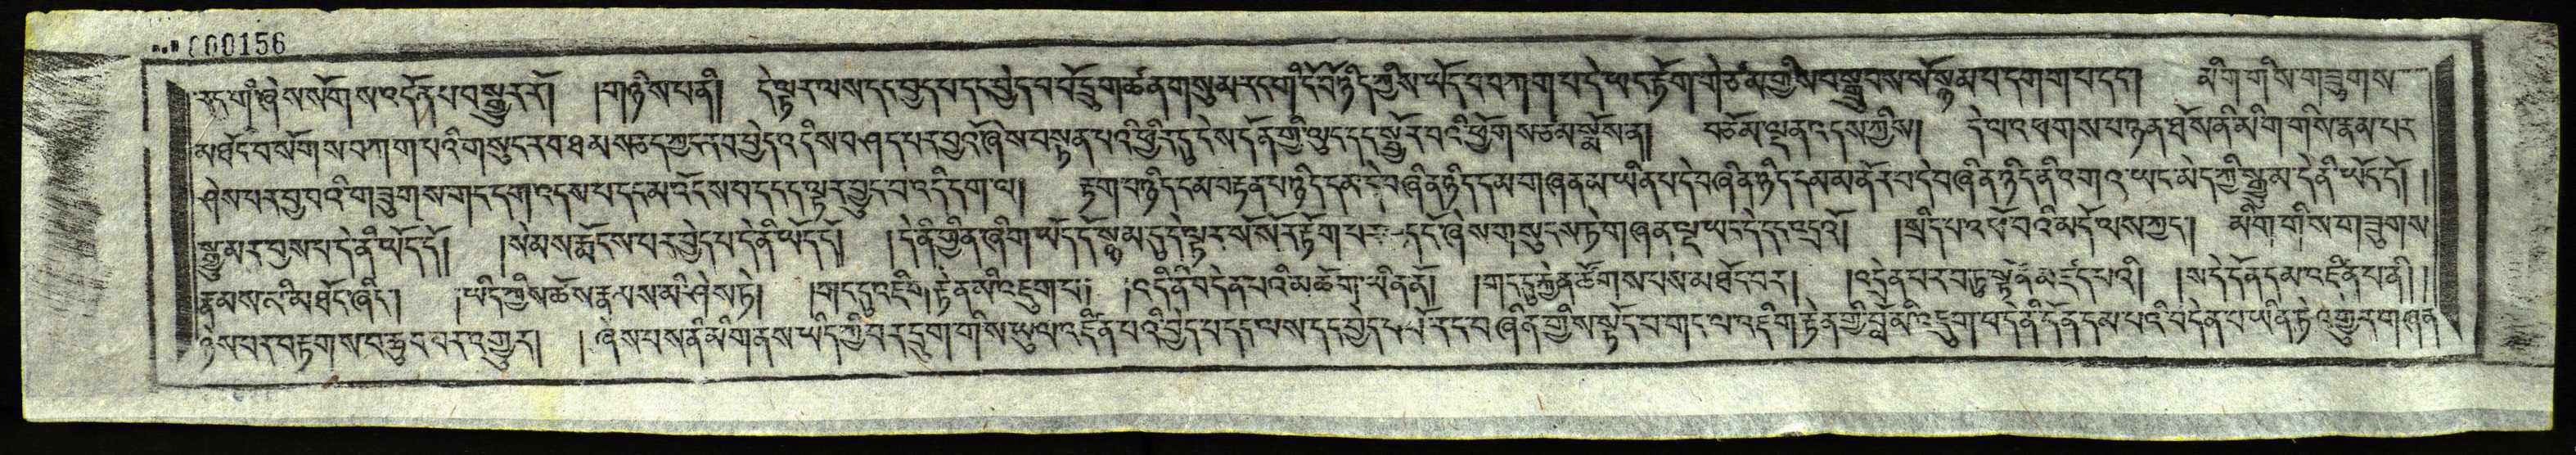རང་གི་ཞེས་སོགས་འདོན་པ་བསྒྱུར་རོ། །གཉིས་པ་ནི། དེ་ལྟར་ལས་དང་བྱད་པ་དང་བྱེད་པ་པོ་དྲུག་ཚན་གསུམ་རང་གི་ངོ་བོ་ཉིད་ཀྱིས་ཡོད་པ་བཀག་པ་དེ་ཡང་རྟོག་གེ་ཙམ་གྱིས་བསྒྲུབས་སོ་སྙམ་པ་དགག་པ་དང་། མིག་གིས་གཟུགས་
མཐོང་བ་སོགས་བཀག་པའི་གསུང་རབ་ཐམས་ཅད་ཀྱང་རབ་བྱེད་འདིས་བཤད་པར་བྱའོ་ཞེས་བསྟན་པའི་ཕྱིར་དུ་ངེས་དོན་གྱི་ལུང་དང་སྦྱོར་བའི་ཕྱོགས་ཙམ་སྨོས་ན། བཅོམ་ལྡན་འདས་ཀྱིས། དེ་ལ་འཕགས་པ་ཉན་ཐོས་ནི་མིག་གིས་རྣམ་པར་
ཤེས་པར་བྱ་བའི་གཟུགས་གང་དག་འདས་པ་དང་མ་འོངས་པ་དང་ད་ལྟར་བྱུང་བ་འདི་དག་ལ། རྟག་པ་ཉིད་དམ་བརྟན་པ་ཉིད་དམ་དེ་བཞིན་ཉིད་དམ་གཞན་མ་ཡིན་པ་དེ་བཞིན་ཉིད་དམ་མ་ནོར་བ་དེ་བཞིན་ཉིད་ནི་འགའ་ཡང་མེད་ཀྱི་སྒྱུ་མ་དེ་ནི་ཡོད་དོ། །
སྒྱུ་མར་བྱས་པ་དེ་ནི་ཡོད་དོ། །སེམས་རྨོངས་པར་བྱེད་པ་དེ་ནི་ཡོད་དོ། །དེ་ནི་གྱིན་ཞིག་ཡོད་དོ་སྙམ་དུ་དེ་ལྟར་སོ་སོར་རྟོག་པར་འདོད?་ཞེས་གསུངས་ཏེ་གཞན་ལྔ་ཡང་དེ་དང་འདྲའོ། །སྲིད་པ་འཕོ་བའི་མདོ་ལས་ཀྱང་། མིག་གིས་གཟུགས་
རྣམས་མི་མཐོང་ཞིང་། །ཡིད་ཀྱིས་ཆོས་རྣམས་མི་ཤེས་ཏེ། །གང་དུ་འཇིག་རྟེན་མི་འཇུག་པ། །འདི་ནི་བདེན་པའི་མཆོག་ཡིན་ནོ། །གང་དུ་རྐྱེན་ཚོགས་པས་མཐོང་བར། །འདྲེན་པ་རབ་ཏུ་སྟོན་མཛད་པའི། །ས་དེ་དོན་དམ་འཛིན་པ་ནི།།
ཉེས་པར་བརྟགས་པ་ཆུང་བར་འགྱུར། །ཞེས་པས་ནི་མིག་ནས་ཡིད་ཀྱི་བར་དྲུག་གིས་ཡུལ་འཛིན་པའི་བྱེད་པ་དང་ལས་དང་བྱེད་པ་པོ་རང་བཞིན་གྱིས་སྟོང་པ་གང་ལ་འཇིག་རྟེན་གྱི་བློ་མི་འཇུག་པ་དེ་ནི་དོན་དམ་པའི་བདེན་པ་ཡིན་ཏེ་འགྱུར་གཞན་